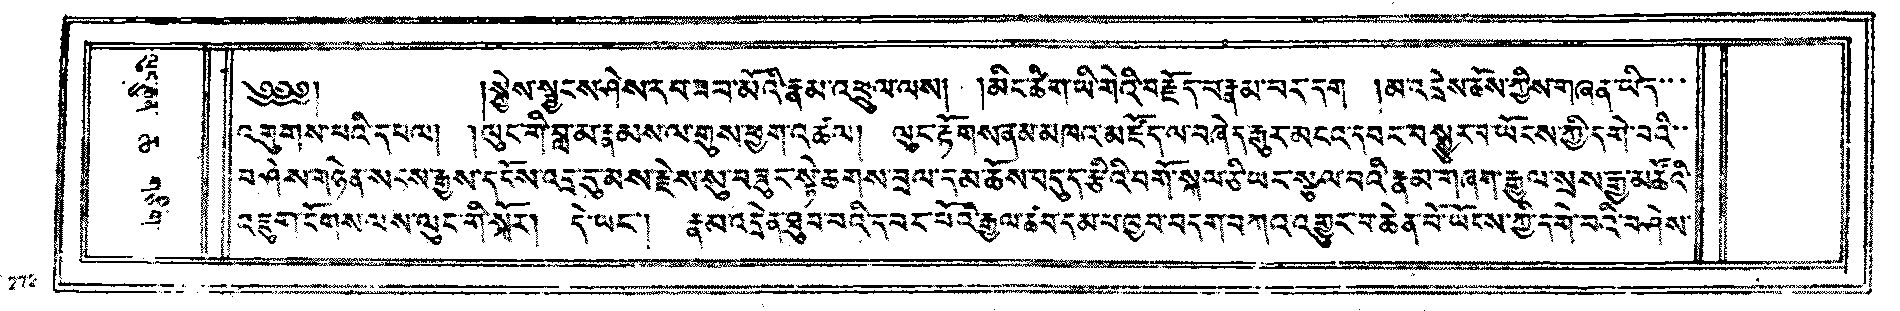༄༅༅། །སྐྱེས་སྦྱངས་ཤེས་རབ་ཟབ་མོའི་རྣམ་འཕྲུལ་ལས། །མིང་ཚིག་ཡི་གེའི་བརྗོད་པ་རྣམ་པར་དག །མ་འདྲེས་ཆོས་ཀྱིས་གཞན་ཡིད་
འགུགས་པའི་དཔལ། །ལུང་གི་བླ་མ་རྣམས་ལ་གུས་ཕྱག་འཚལ། ལུང་རྟོགས་ནམ་མཁའ་མཛོད་ལ་བཞེད་རྒུར་མངའ་དབང་བསྒྱུར་བ་ཡོངས་ཀྱི་དགེ་བའི་
བཤེས་གཉེན་སངས་རྒྱས་དངོས་འདྲ་དུ་མས་རྗེས་སུ་བཟུང་སྟེ་ཆགས་བྲལ་དམ་ཆོས་བདུད་རྩིའི་བགོ་སྐལ་ཅི་ཡང་སྩལ་བའི་རྣམ་གཞག་རྒྱལ་སྲས་རྒྱ་མཚོའི་
འཇུག་ངོགས་ལས་ལུང་གི་སྐོར། དེ་ཡང་། རྣམ་འདྲེན་ཐུབ་པའི་དབང་པོའི་རྒྱལ་ཚབ་དམ་པ་ཁྱབ་བདག་བཀའ་འགྱུར་བ་ཆེན་པོ་ཡོངས་ཀྱི་དགེ་བའི་བཤེས་